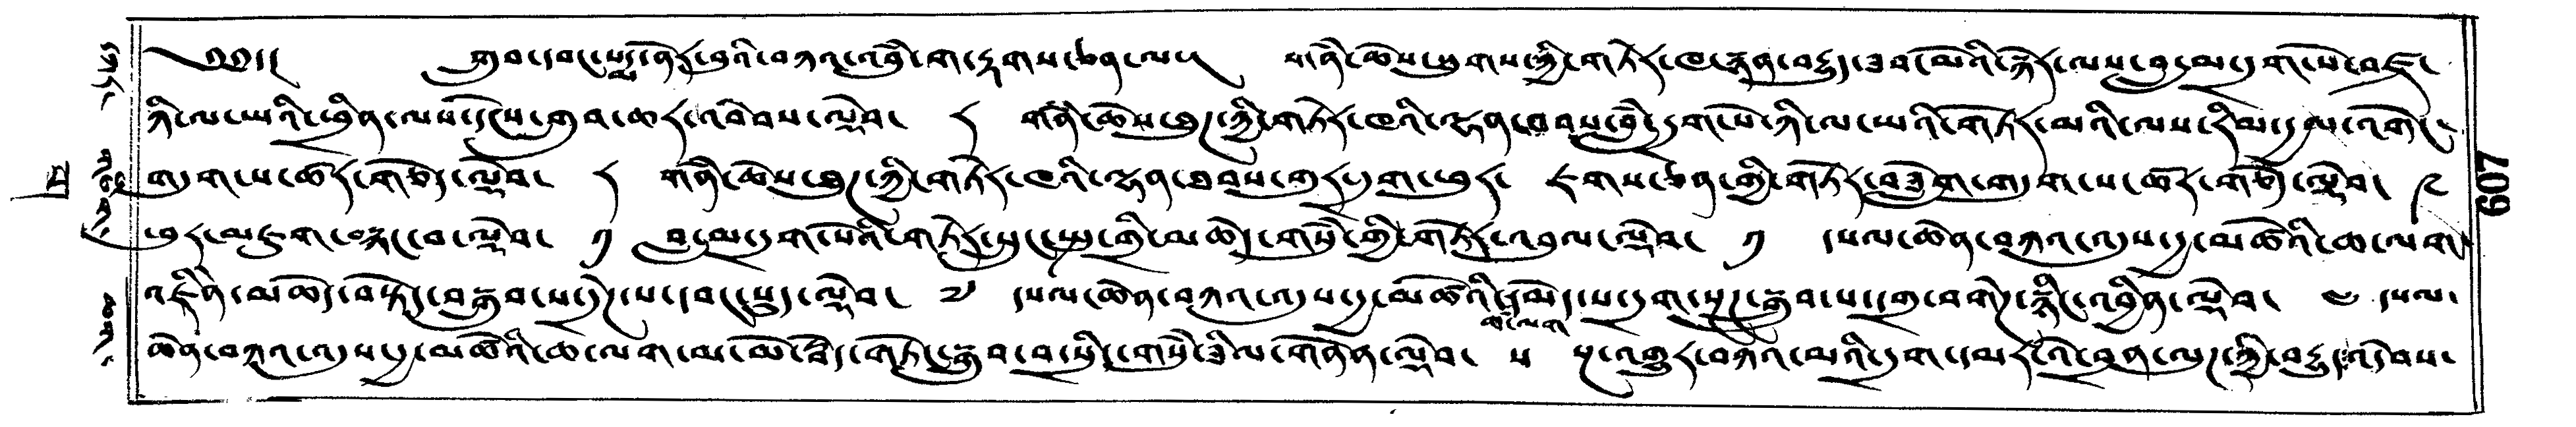༄༅། གྲུབ་དབང་པདྨ་ནོར་བུའི་བཀའ་འབུམ་ག་རྟགས་ཅན་ལ། གནམ་ཆོས་ཐུགས་ཀྱི་གཏེར་ཁ་སྙན་བརྒྱུད་ཟབ་མོའི་སྐོར་ལས་བླ་མ་དྲག་པོ་བཛྲ་
ཀི་ལ་ཡའི་ཕྲིན་ལས་དངོས་གྲུབ་ཆར་འབེབས་ལྡེབ། གནམ་ཆོས་ཐུགས་ཀྱི་གཏེར་ཁའི་ལྷན་ཐབས་བླ་མ་དྲག་པོ་ཀི་ལ་ཡའི་གཏོར་མའི་ལས་རིམ་རྒྱལའགོང་
གདུག་པ་ཚར་གཅོད་ལྡེབ། གནམ་ཆོས་ཐུགས་ཀྱི་གཏེར་ཁའི་ལྷན་ཐབས་གུར་དྲག་ཕུར་འཇུག་ཅན་གྱི་གཏོར་བཟློག་གདུག་པ་ཚར་གཅོད་ལྡེབ། 
ཕུར་མཇུག་བསྐང་བ་ལྡེབ། བླ་མ་དྲག་པོའི་གཏེར་སྲུང་སྤུ་གྲི་མཆེད་གསུམ་གྱི་གཏོར་འབུ་ལ་ལྡེབ། དཔལ་ཆེན་བཀའ་འདུས་རྒྱ་མཚོའི་ཆ་ལག་
འཇིག་རྟེན་མཆོད་བསྟོད་བསྒྲུབ་པ་དྲེགས་པ་དབང་སྡུད་ལྡེབ། དཔལ་ཆེན་བཀའ་འདུས་རྒྱ་མཚོའི་ཆ་ལག་དམོད་པ་དྲག་སྔགས་སྒྲུབ་པ་དགྲ་བགེགས་སྙིང་འབྱིན་ལྡེབ། དཔལ་
ཆེན་བཀའ་འདུས་རྒྱ་མཚོའི་ཆ་ལག་མ་མོ་རྦོད་གཏོང་སྒྲུབ་བ་སྲིད་གསུམ་ཟིལ་གནོན་ལྡེབ། སྔ་འགྱུར་བཀའ་མའི་དྲག་དམར་འོ་བྲན་ལུགས་ཀྱི་བརྒྱུད་འདེབས་